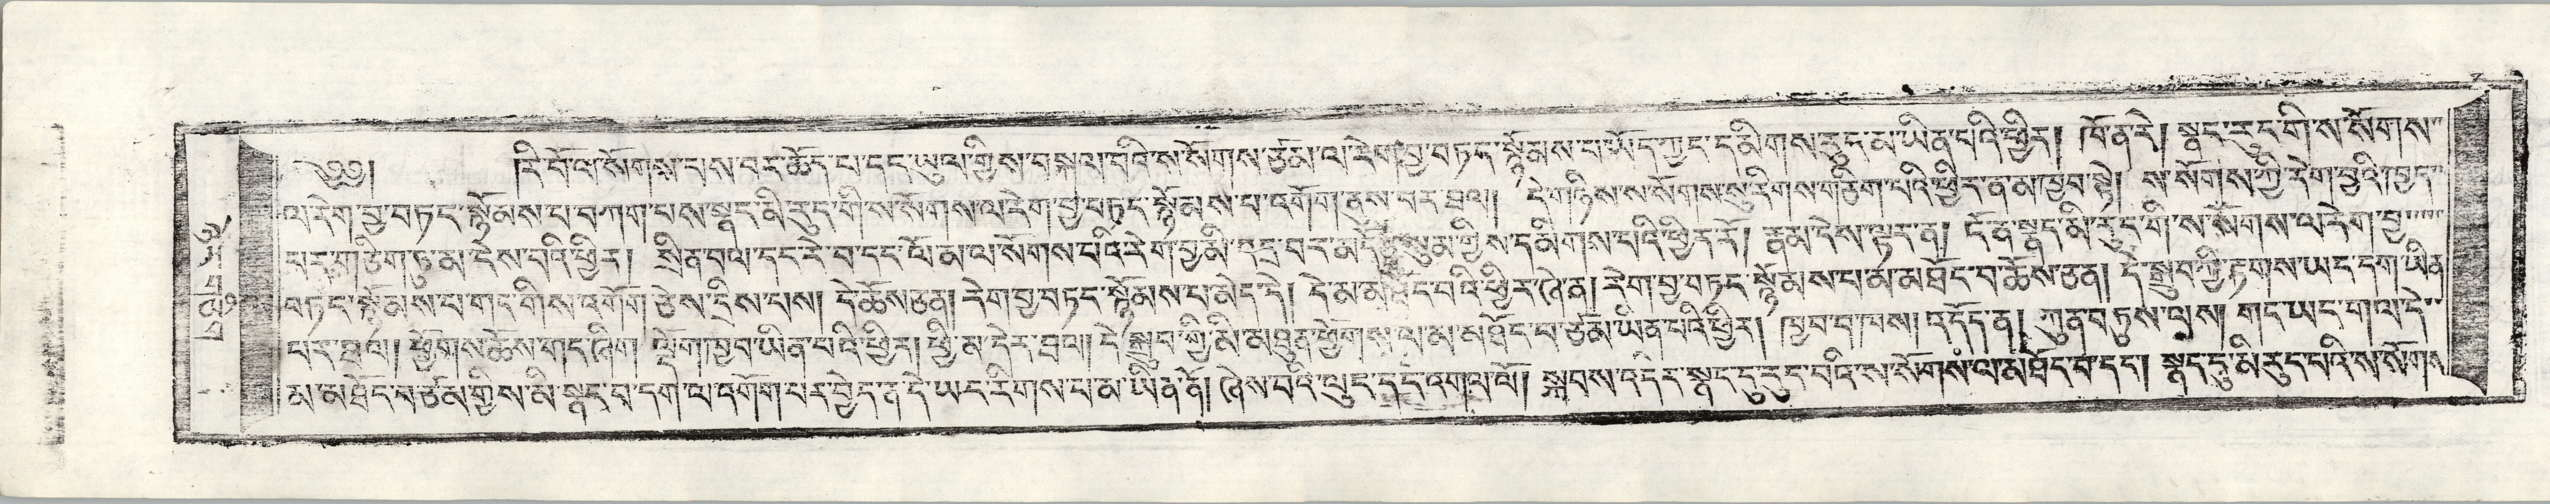༄༅། །རི་བོ་ལ་སོགས་པས་བར་ཆོད་པ་དང་ཡུལ་གྱིས་བསྐལ་བའི་ས་སོགས་ཙམ་ལ་རེག་བྱ་བཏང་སྙོམས་པ་ཡོད་ཀྱང་དམིགས་རུང་མ་ཡིན་པའི་ཕྱིར། ཁོ་ན་རེ། སྣང་རུང་གི་ས་སོགས་
ལ་རེག་བྱ་བཏང་སྙོམས་པ་བཀག་པས་སྣང་མི་རུང་གི་ས་སོགས་ལ་རེག་བྱ་བཏང་སྙོམས་པ་འགོག་ནུས་བར་ཐལ། དེ་གཉིས་ས་སོགས་སུ་རིགས་གཅིག་པའི་ཕྱིར་ན་མ་ཁྱབ་སྟེ། ས་སོགས་ཀྱི་རེག་བྱའི་ཁྱད་
པར་གཅིག་ཏུ་མ་ངེས་པའི་ཕྱིར། སྲིན་བལ་དང་རེ་བ་དང་ལོ་མ་ལ་སོགས་པའི་རེག་བྱ་མི་འདྲ་བར་མངོན་སུམ་གྱིས་དམིགས་པའི་ཕྱིར་རོ། རྣམ་ངེས་ལྟར་ན། འོ་ན་སྣང་མི་རུང་གི་ས་སོགས་ལ་རེག་བྱ་
བཏང་སྙོམས་པ་གང་གིས་འགོག་ཅེས་དྲིས་པས། དེ་ཆོས་ཅན། རེག་བྱ་བཏང་སྙོམས་པ་མེད་དེ། དེ་མ་མཐོང་བའི་ཕྱིར་ཞེ་ན། རེག་བྱ་བཏང་སྙོམས་པ་མ་མཐོང་བ་ཆོས་ཅན། དེ་སྒྲུབ་ཀྱི་རྟགས་ཡང་དག་ཡིན་
པར་ཐལ། ཕྱོགས་ཆོས་གང་ཞིག་ལྡོག་ཁྱབ་ཡིན་པའི་ཕྱིར། ཕྱི་མ་དེར་ཐལ། དེ་སྒྲུབ་གྱི་མི་མཐུན་ཕྱོགས་ལ་མ་མཐོང་བ་ཙམ་ཡིན་པའི་ཕྱིར། ཁྱབ་པ་ཁས། འདོད་ན། ཀུན་བཏུས་ལས། གང་ཡང་གལ་དེ་
མ་མཐོང་བ་ཙམ་གྱིས་མི་སྣང་བ་དག་ལ་འགོག་པར་བྱེད་ན་དེ་ཡང་རིགས་པ་མ་ཡིན་ནོ། ཞེས་པའི་ལུང་དང་འགལ་ལོ། སྐབས་འདིར་སྣང་དུ་རུང་བའི་ས་སོགས་ལ་མཐོང་བ་དང་། སྣང་དུ་མི་རུང་བའི་ས་སོགས་